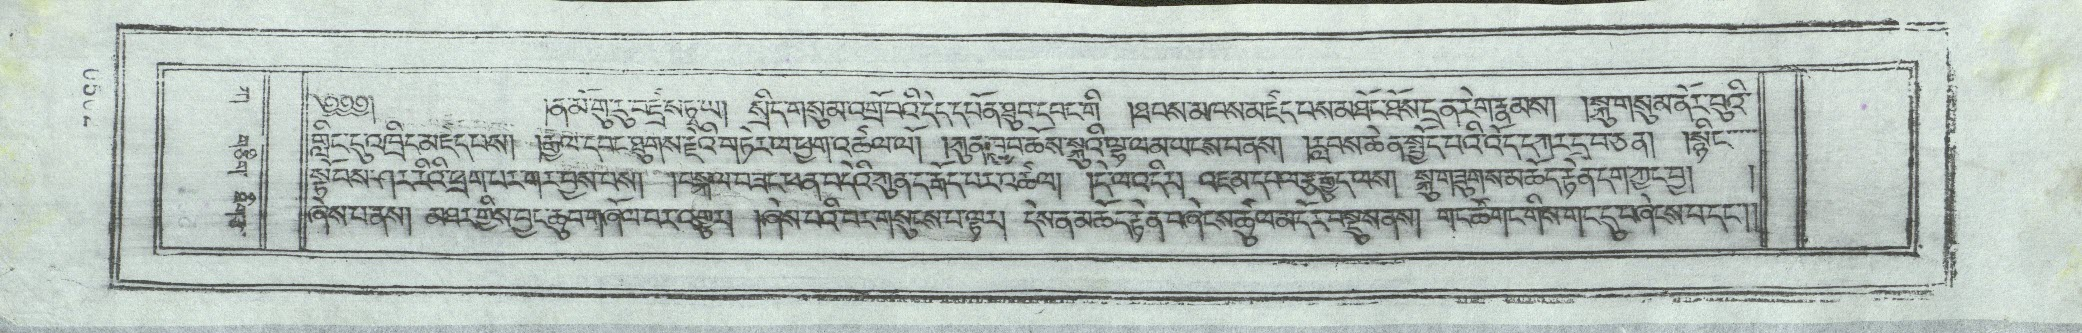༄༅༅། །ན་མོ་གུ་རུ་བཛྲ་ས་ཏྭ་ཡ། སྲིད་གསུམ་འགྲོ་བའི་དེད་དཔོན་ཐུབ་དབང་གི། ཐབས་མཁས་མཛད་པས་མཐོང་ཐོས་དྲན་རེག་རྣམས། །སྐུ་གསུམ་ནོར་བུའི་
གླིང་དུ་འཁྲིད་མཛད་པས། །རྒྱལ་དབང་ཐུགས་རྗེའི་གཏེར་ལ་ཕྱག་འཚལ་ལོ། །ཀུན་ཁྱབ་ཆོས་སྐུའི་ལྷ་ལམ་ཡངས་བ་ནས། །རླབས་ཆེན་སྤྱོད་པའི་འོད་དཀར་དུ་བཅན། །སྙིང་
སྟོབས་ཤར་རིའི་ཕྲག་པར་གར་བྱས་པས། །བསྐལ་བཟང་ཕན་བདེའི་ཀུན་རྒོད་པར་འཚལ། །དེ་ལ་འདིར། འཇམ་དཔལ་རྩ་རྒྱུད་ལས། སྐུ་གཟུགས་མཆོད་རྟེན་དག་ཀྱང་བྱ། །
ཞེས་བ་ནས། མཐར་གྱིས་བྱང་ཆུབ་གཞོལ་བར་འགྱུར། །ཞེས་པའི་བར་གསུངས་པ་ལྟར། དེས་ན་མཆོང་རྟེན་བཞེངས་ཚུལ་མདོར་བསྡུས་ནས། གང་ཚེ་གང་གིས་གང་དུ་བཞེངས་པ་དང།།